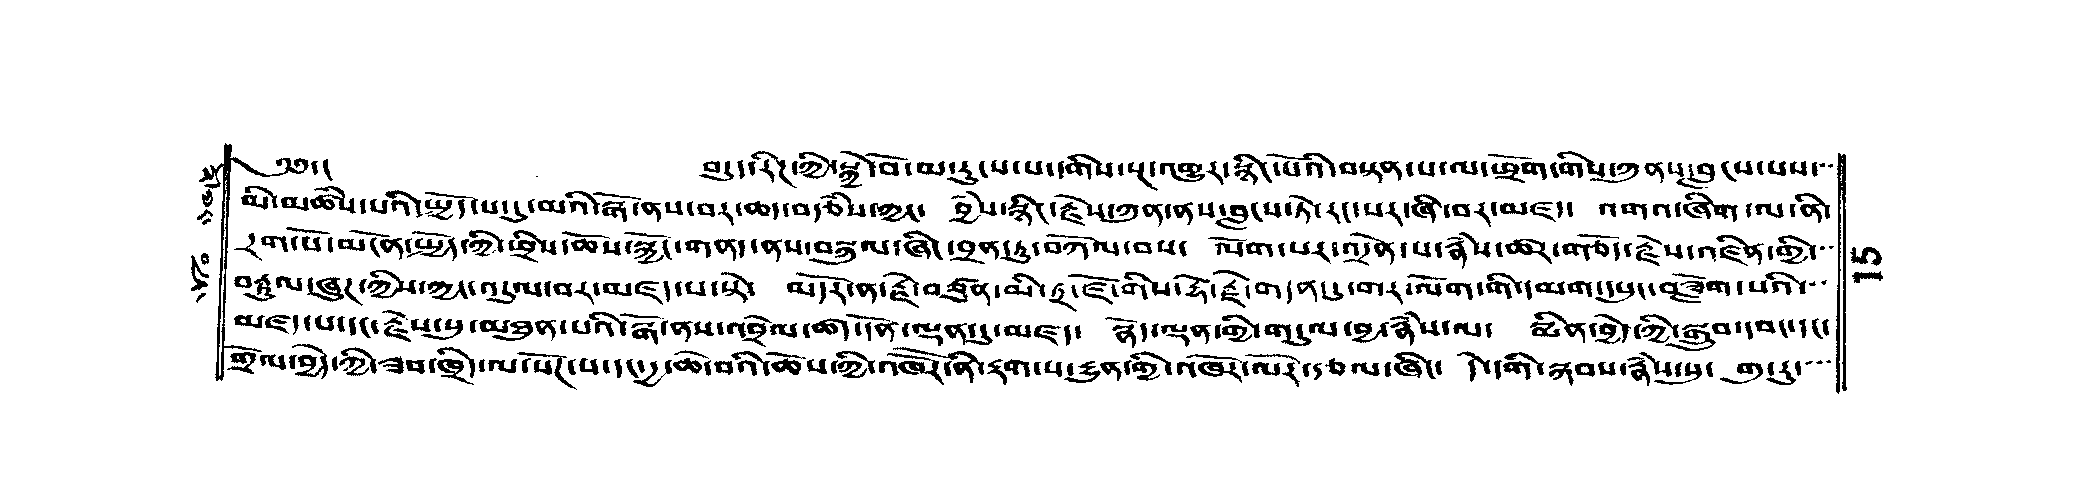བདུད་རིགས་ཀྱི་སྐྱེ་བོ་མ་རུངས་པ་དག་གིས་སྔ་འགྱུར་སྙིང་པོའི་བསྟན་པ་ལ་ཕྲག་དོག་གིས་ཀུན་ནས་བླངས་པས་
མི་འཚམས་པའི་སྤྱོད་པ་དུ་མའི་སྒོ་ནས་བར་ཆད་བརྩམས་ཀྱང་། བྱམས་སྙིང་རྗེས་ཀུན་ནས་བླངས་ཏེ་རང་སར་ཞི་བར་མཛད། འགའ་ཞིག་ལ་ནི་
དྲག་པོ་མངོན་སྤྱོད་ཀྱི་ཕྲིན་ལས་ཆོས་སྐྱོང་གནད་ནས་བསྐུལ་ཞིང་བྲན་ཏུ་བཀོལ་བས།ལོག་པར་འདྲེན་པ་རྣམས་ཚར་གཅོད་རྗེས་འཛིན་གྱི་
བརྟུལ་ཞུགས་ཀྱིས་ཀྱང་འདུལ་བར་མཛད་པ་སྟེ། མདོར་ན་རྗེ་བརྩུན་མི་ཏྲ་ཛོ་གིས་རྡོ་རྗེ་གདན་དུ་གར་ལོག་གི་དམག་དཔུང་བཟློག་པའི་
མཛད་པ་དང་རྗེས་སུ་མཐུན་པའི་སྒོ་ནས་འབྲེལ་ཚད་དོན་ལྡན་དུ་མཛད། སྣོད་ལྡན་གྱི་གདུལ་བྱ་རྣམས་ལ། སྨིན་བྱེད་ཀྱི་སྒྲུབ་དབང་དང་
གྲོལ་བྱེད་ཀྱི་ཟབ་ཁྲིད་ལ་སོགས་པ་དང་རྒྱ་ཆེ་བའི་ཆོས་ཀྱི་འཁོར་ལོ་ནི་རྟག་པ་རྒྱུན་གྱི་འཁོར་ལོར་སྩལ་ཞིང་། དེ་དག་གི་སྐབས་རྣམས་སུ་གུ་རུ་